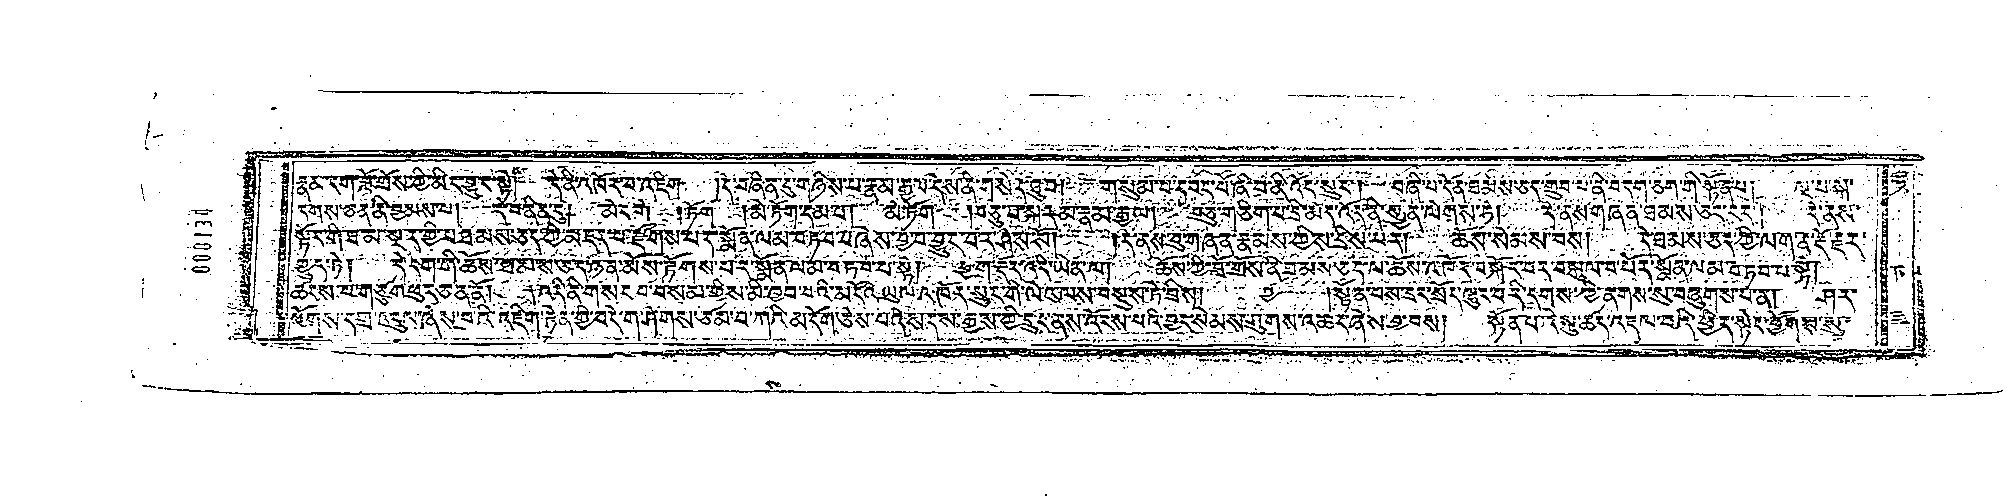རྣམ་དག་བློ་གྲོས་ཀྱི་མིང་བྱུང་སྟེ། དེ་ནི་འཁོར་བ་འཇིག །དེ་བཞིན་དུ་གཉིས་པ་རྣམ་རྒྱལ་དེས་ནི་གསེར་ཐུབ། གསུམ་པ་དབང་པོ་ཞི་བ་ནི་འོང་སྲུང་། བཞི་པ་དོན་ཐམས་ཅད་གྲུབ་པ་ནི་བདག་ཅག་གི་སྟོན་པ། ལྔ་པ་སྐ་
དགས་ཅན་ནི་བྱམས་པ། དེ་བཞིན་དུ། མེང་གེ །ཏོག །མེ་ཏོག་དམ་པ། མེ་ཏོག །བཅུ་པ་སྐར་མ་རྣམ་རྒྱལ། བཅུ་གཅིག་པ་དྲི་མེད་འོད་ནི་སྤྱན་ལེགས་ཏེ། དེ་ནས་གཞན་ཐམས་ཅད་དང་། དེ་ནས་
སྟོང་གི་ཐ་མ་སྔར་གྱི་བུ་ཐམས་ཅད་ཀྱི་མཛད་པ་རྫོགས་པར་སྨོན་ལམ་བཏབ་པ་ཞེས་བྱ་བ་བྱུང་བར་ཤེས་སོ། །དེ་ནས་བུ་གཞན་རྣམས་ཀྱིས་དྲིས་པར། ཆོས་སེམས་བས། དེ་ཐམས་ཅད་ཀྱི་ལག་ན་རྡོ་རྗེར་
གྱུར་ཏེ། དེ་དག་གི་ཆོས་ཐམས་ཅད་ཉན་མོས་རྟོགས་པར་སྨོན་ལམ་བཏབ་པ་སྟེ། ཕྱག་རྡོར་འདི་ཡིན་ལ། ཆོས་ཀྱི་བློ་གྲོས་ནི་ཐམས་ཅད་ལ་ཆོས་འཁོར་བསྐོར་བར་བསྐུལ་བ་པོར་སྨོན་ལམ་བཏབ་པ་སྟེ།
ཚངས་པ་གཙུག་ཕུང་ཅན་ནོ། །འདི་ནི་གསང་བ་བསམ་གྱིས་མི་ཁྱབ་པའི་མདོའི་ཡུལ་འཁོར་སྲུང་གི་ལེའུ་ལས་བསྡུས་ཏེ་བྲིས། ༧་།སྟོན་པས་དྲང་སྲོད་ལྷུང་བ་རི་དྭགས་ཀྱི་ནགས་སུ་བཞུགས་པ་ན། ཤར་
ཕྱོགས་དགྲ་འདུལ་ཞེས་བའི་འཇིག་རྟེན་གྱི་བདེ་ག་ཤེགས་ཙམ་པ་ཀའི་མདོག་ཅེས་པའི་སངས་རྒྱས་ཀྱི་དྲུང་ནས་འོངས་པའི་བྱང་སེམས་ཤུགས་འཆང་ཞེས་བྱ་བས། སྟོན་པའི་སྐུ་ཚད་འཇལ་བའི་ཕྱིར་སྟེང་ཕྱོགས་སུ་